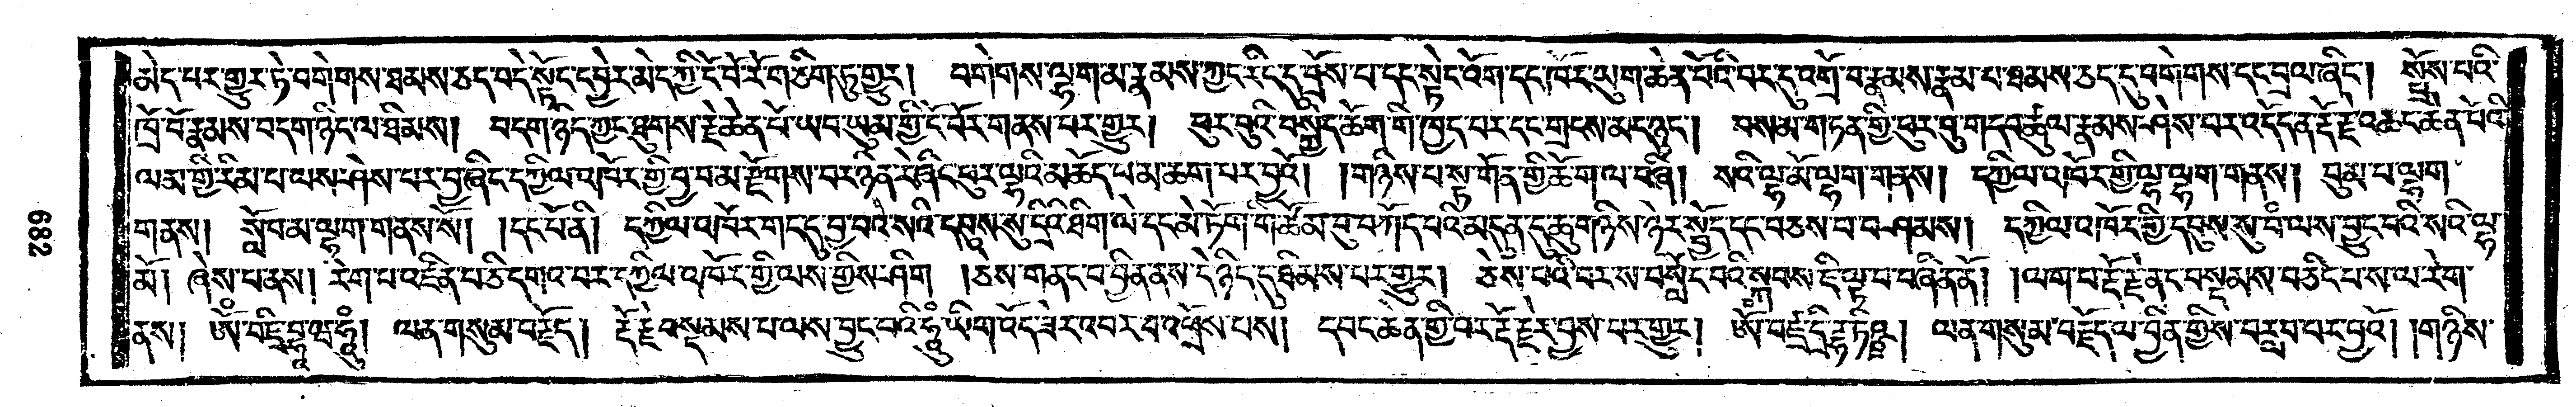མེད་པར་གྱུར་ཏེ་བགེགས་ཐམས་ཅད་བདེ་སྟོང་དབྱེར་མེད་ཀྱི་ངོ་བོ་རོ་གཅིག་ཏུ་གྱུར། བགེགས་ལྷག་མ་རྣམས་ཀྱང་རིང་དུ་བྲོས་པ་དང་སྟེང་འོག་དང་ཁོར་ཡུག་ཆེན་པོའི་བར་དུ་འགྲོ་བ་རྣམས་རྣམ་པ་ཐམས་ཅད་དུ་བགེགས་དང་བྲལ་ཞིང་། སྤྲོས་པའི་
ཁྲོ་བོ་རྣམས་བདག་ཉིད་ལ་ཐིམས། བདག་ཉིད་ཀྱང་ཐུགས་རྗེ་ཆེན་པོ་ཡབ་ཡུམ་གྱི་ངོ་བོར་གནས་པར་གྱུར། ཕུར་བུའི་བསྐྱེད་ཆོག་གི་ཁྱད་པར་དང་གྲངས་མང་ཉུང་། བསམ་གཏན་གྱི་ཕུར་བུ་གདབ་ཚུལ་རྣམས་ཤེས་པར་འདོད་ན་རྡོ་རྗེ་འཆང་ཆེན་པོའི་
ལམ་གྱི་རིམ་པ་ལས་ཤེས་པར་བྱ་ཞིང་དཀྱིལ་འཁོར་གྱི་བྱ་བ་མ་རྫོགས་པར་ཉིན་རེ་ཞིང་ཕུར་ལྷའི་མཆོད་པ་མ་ཆག་པར་བྱའོ། །གཉིས་པ་སྟ་གོན་གྱི་ཆོ་ག་ལ་བཞི། སའི་ལྷ་མོ་ལྷག་གནས། དཀྱིལ་འཁོར་གྱི་ལྷ་ལྷག་གནས། བུམ་པ་ལྷག་
གནས། སློབ་མ་ལྷག་གནས་སོ། །དང་པོ་ནི། དཀྱིལ་འཁོར་གང་དུ་བྱ་བའི་སའི་དབུས་སུ་དྲིའི་ཐིག་ལེ་དང་མེ་ཏོག་གི་ཚོམ་བུ་བཀོད་པའི་མདུན་དུ་ཆུ་གཉིས་ཉེར་སྤྱོད་དང་བཅས་པ་བཤམས། དཀྱིལ་འཁོར་གྱི་ལྷ་ལྷག་གནས། བུམ་པ་ལྷག་
གནས། སློབ་མ་ལྷག་གནས་སོ། །དང་པོ་ནི། དཀྱིལ་འཁོར་གང་དུ་བྱ་བའི་སའི་དབུས་སུ་དྲིའི་ཐིག་ལེ་དང་མེ་ཏོག་གི་ཚོམ་བུ་བཀོད་པའི་མདུན་དུ་ཆུ་གཉིས་ཉེར་སྤྱོད་དང་བཅས་པ་བཤམས། དཀྱིལ་འཁོར་གྱི་དབུས་སུ་བཾ་ལས་བྱུང་བའི་སའི་ལྷ་
མོ། ཞེས་པ་ནས། རེག་པ་འཛིན་པ་ཅི་དགའ་བར་དཀྱིལ་འཁོར་གྱི་ལས་གྱིས་ཤིག །ཅེས་གནང་བ་བྱིན་ནས་དེ་ཉིད་དུ་ཐིམས་པར་གྱུར། ཅེས་པའི་བར་ས་བསློང་བའི་སྐབས་ཇི་ལྟ་བ་བཞིན་ནོ། །ལག་པ་རྡོ་རྗེ་ནང་བསྡམས་བཅིང་པ་ས་ལ་རེག་
ནས། ཨོཾ་བཛྲི་བྷཱ་ཝ་ཧཱུཾ། ལན་གསུམ་བརྗོད། རྡོ་རྗེ་བསྡམས་པ་ལས་བྱུང་བའི་ཧཱུཾ་ཡིག་འོད་ཟེར་འབར་བ་འཕྲོས་པས། དབང་ཆེན་གྱི་བར་རྡོ་རྗེར་བྱས་པར་གྱུར། ཨོཾ་བཛྲ་དྲི་ཌྷ་ཏིཥཊཿཨ། ལན་གསུམ་བརྗོད་ལ་བྱིན་གྱིས་བརླབ་པར་བྱའོ། །གཉིས་